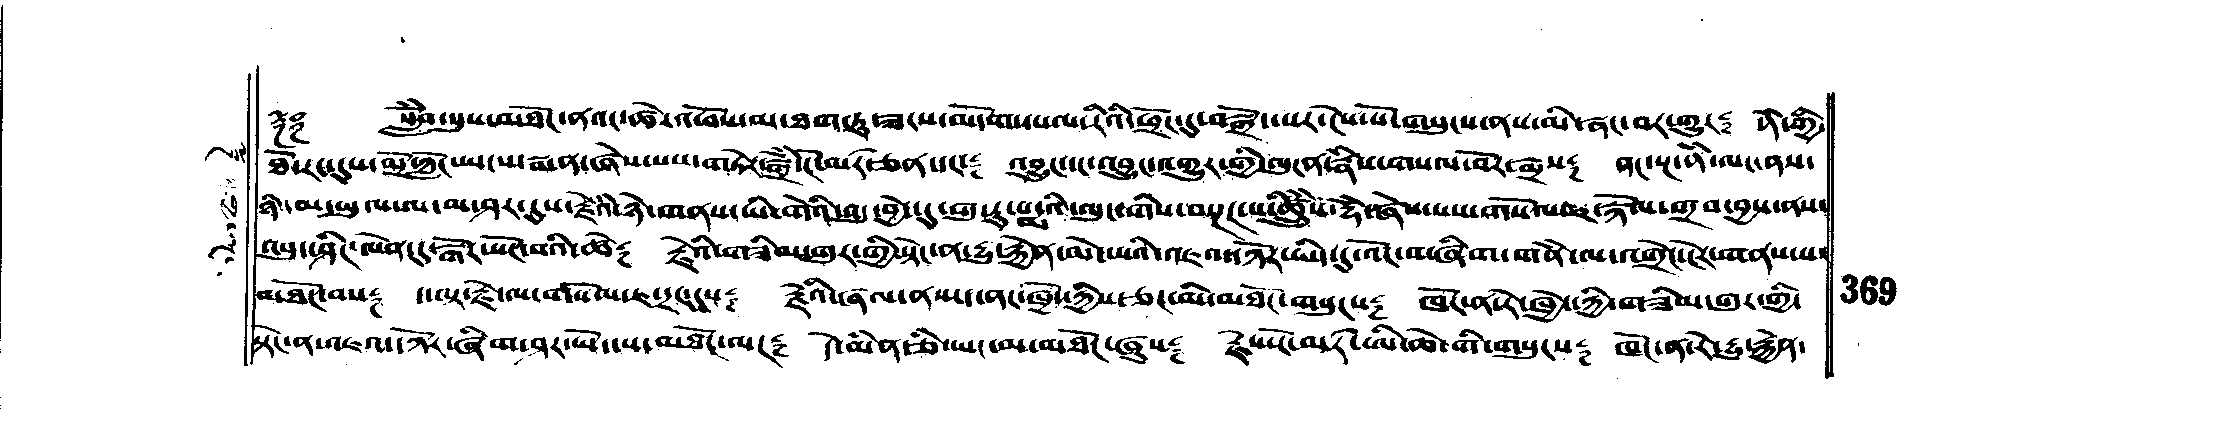སློབ་མ་སུས་མཐོང་ནའང་ཚེར་འཕོས་མ་ཐག་ཏུ་ཟངས་མདོག་དཔལ་རིའི་ཕོ་བྲང་དུ་བགྲོད་པར་ངེས་སོ་གསུངས་ནས་མི་སྣང་བར་གྱུར། ནམ་གྱི་
ཐོ་རངས་དུས་མཁའ་འགྲོ་ཀློང་ཡངས་སྨན་ཞེས་པས་གཏེར་སྒྲོམ་ངོ་མཚར་ཅན་དང་། འབྱུང་དང་འབྱུང་འགྱུར་གྱི་ལུང་བསྟན་རྣམས་གསལ་པོར་སྨྲས། ནངས་སྔ་ནམ་ལང་ནས་
ཉི་མ་ཡུལ་ལ་མ་ཤར་དུས་རྗེའི་ཉེ་གནས་ཡི་གེའི་འདུ་བྱེད་དུ་གུ་རུ་པདྨའི་ལུང་གིས་བསྔགས་པ་ཚུལ་ཁྲིམས་རྡོ་རྗེ་ཞེས་པས་གསོལ་ཇ་སྐོལ་གྲབས་བྱས་ནས་
འབུད་ཤིང་ལེན་དུ་སྒོར་སོང་བའི་ཚེ།རྗེའི་གཟིམ་གུར་གྱི་སྟེང་ན་རྒྱུ་རྐྱེན་མེད་པའི་འཇའ་དཀར་པོ་ཡིད་དུ་འོང་བ་ཞིག་གནམ་ལ་འགྲེང་ངེར་གནས་པ་
མཐོང་བས། ད་ལྟ་རྗེ་ལ་གསོལ་ཇ་དྲང་དུས། རྗེའི་ཞལ་ནས་ད་ནང་ཁྱོད་ཀྱིས་ཅང་མི་མཐོང་གསུངས། ཁོང་ན་རེ་ཁྱེད་ཀྱི་གཟིམ་གུར་གྱི་
སྟེང་ན་འཇའ་དཀར་པོ་ཞིག་ཤར་ཡོད་པ་མཐོང་ལགས། དེ་མིན་ཅི་ཡང་མ་མཐོང་ཞུས། རྗེས་ངོ་མཚར་ཨི་ཆེ་གི་གསུངས། ཁོང་ན་རེ་རྒྱུ་རྐྱེན་